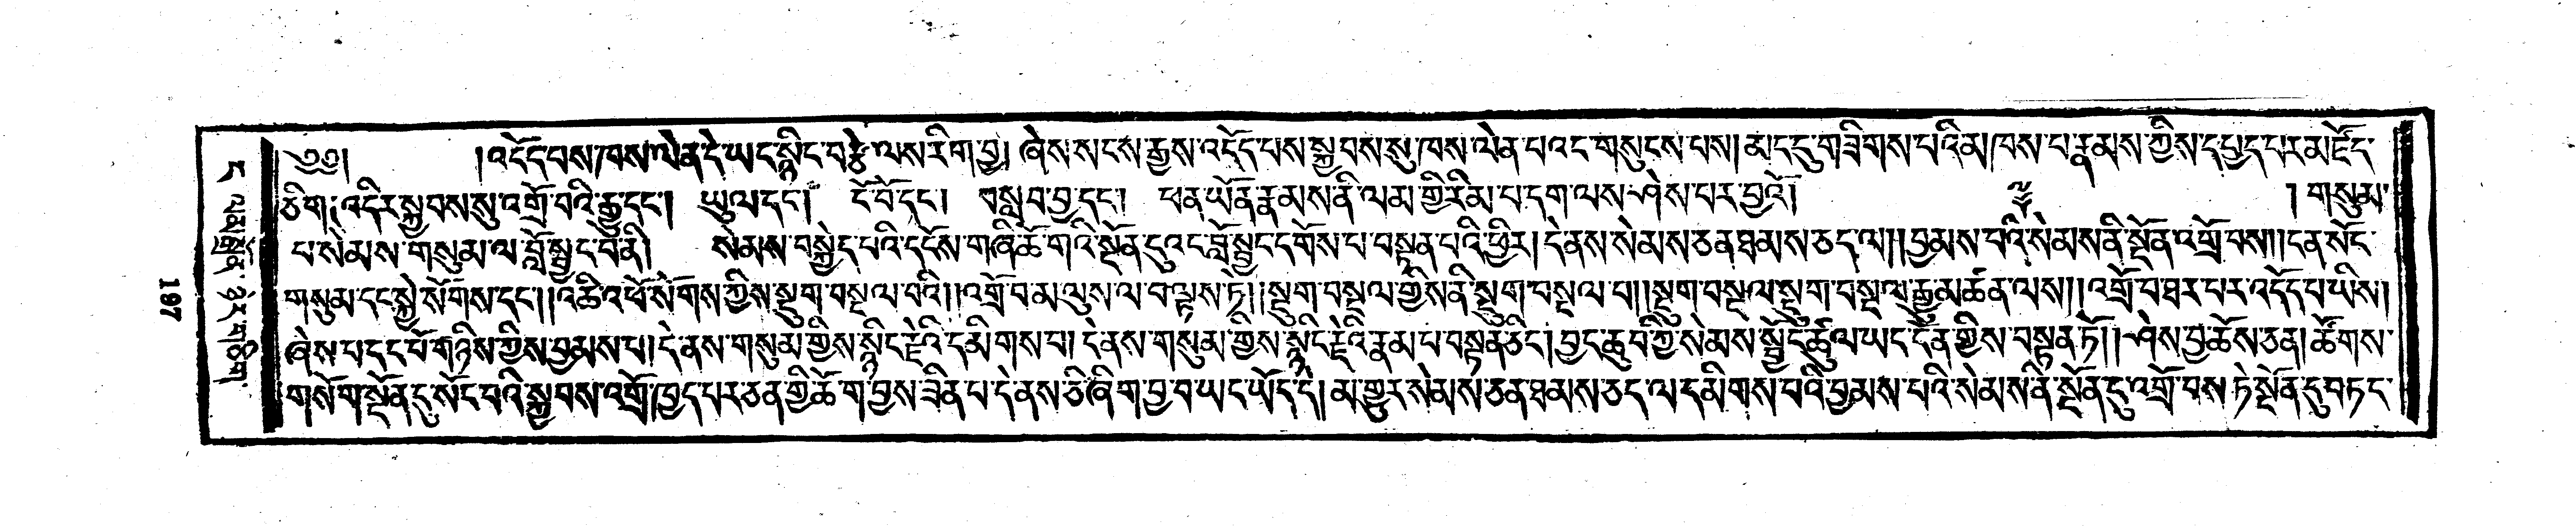༄༅། །འདོད་པས་ཁས་ལེན་དེ་ཡང་སྙིང་བརྩེ་ལས་རིག་བྱ། ཞེས་སངས་རྒྱས་འདོད་པས་སྐྱབས་སུ་ཁས་ལེན་པའང་གསུངས་པས། མང་དུ་གཟིགས་པའི་མཁས་པ་རྣམས་ཀྱིས་དཔྱད་པར་མཛོད་
ཅིག །འདིར་སྐྱབས་སུ་འགྲོ་བའི་རྒྱུ་དང་། ཡུལ་དང་། ངོ་བོ་དང་། བསླབ་བྱ་དང་། ཕན་ཡོན་རྣམས་ནི་ལམ་གྱི་རིམ་པ་དག་ལས་ཤེས་པར་བྱའོ། ༈ །གསུམ་
པ་སེམས་གསུམ་ལ་བློ་སྦྱང་བ་ནི། སེམས་བསྐྱེད་པའི་དངོས་གཞི་ཆོ་གའི་སྔོན་དུའང་བློ་སྦྱང་དགོས་པ་བསྟན་པའི་ཕྱིར། དེ་ནས་སེམས་ཅན་ཐམས་ཅད་ལ། །བྱམས་པའི་སེམས་ནི་སྔོན་འགྲོ་བས། །ངན་སོང་
གསུམ་དང་སྐྱེ་སོགས་དང་། །འཆི་འཕོ་སོགས་ཀྱིས་སྡུག་བསྔལ་བའི། །འགྲོ་བ་མ་ལུས་ལ་བལྟས་ཏེ། །སྡུག་བསྔལ་གྱིས་ནི་སྡུག་བསྔལ་བ། །སྡུག་བསྔལ་སྡུག་བསྔལ་རྒྱུ་མཚན་ལས། །འགྲོ་བ་ཐར་པར་འདོད་པ་ཡིས། །
ཞེས་པ་དང་པོ་གཉིས་ཀྱིས་བྱམས་པ། དེ་ནས་གསུམ་གྱིས་སྙིང་རྗེའི་དམིགས་པ། དེ་ནས་གསུམ་གྱིས་སྙིང་རྗེའི་རྣམ་པ་བསྟན་ཅིང་། བྱང་ཆུབ་ཀྱི་སེམས་སྦྱོང་ཚུལ་ཡང་དོན་གྱིས་བསྟན་ཏོ། །ཤེས་བྱ་ཆོས་ཅན། ཚོགས་
གསོག་སྔོན་དུ་སོང་བའི་སྐྱབས་འགྲོ་ཁྱད་པར་ཅན་གྱི་ཆོ་ག་བྱས་ཟིན་པ་དེ་ནས་དེ་ནས་ཅི་ཞིག་བྱ་བ་ཡང་ཡོད་དེ། མ་གྱུར་སེམས་ཅན་ཐམས་ཅད་ལ་དམིགས་པའི་བྱམས་པའི་སེམས་ནི་སྔོན་དུ་འགྲོ་བས་ཏེ་སྔོན་དུ་བཏང་